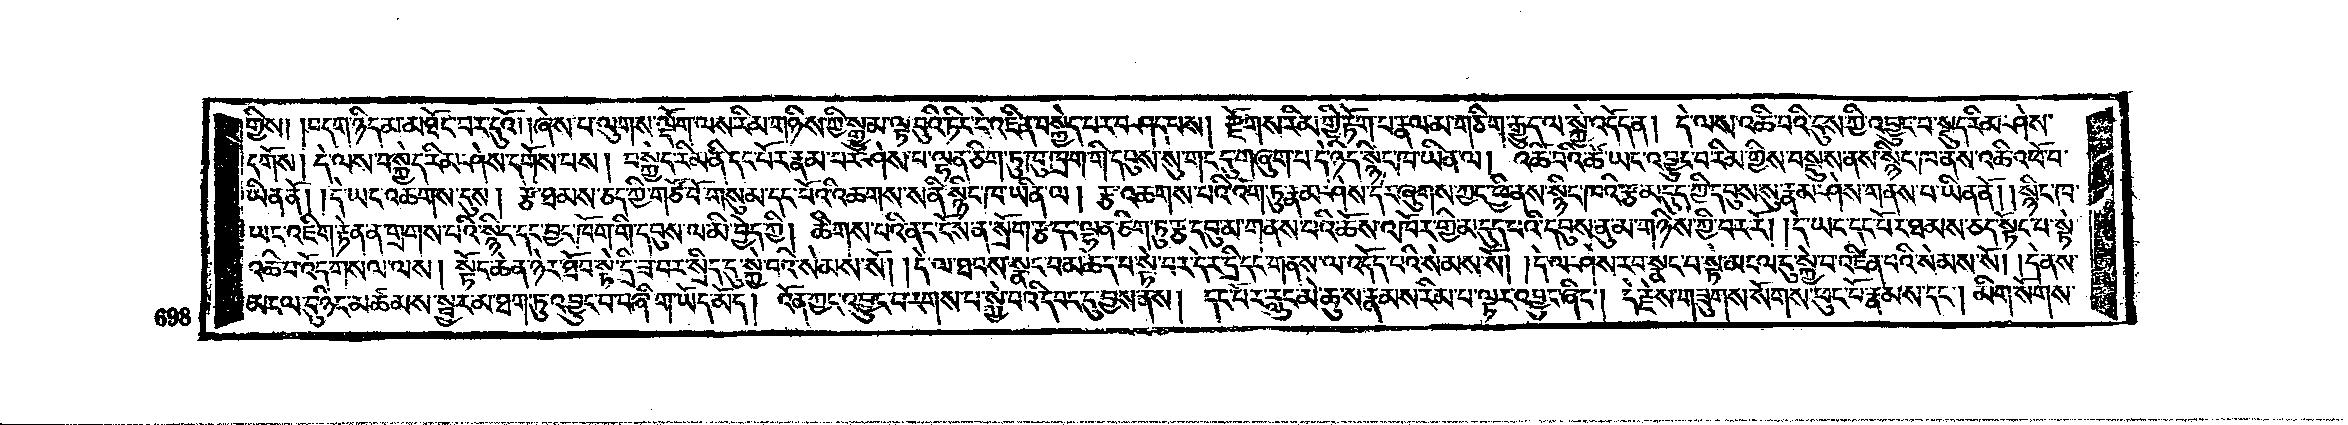གྱིས། །བདག་ཉིད་མ་མཐོང་པར་དུའོ། །ཞེས་པ་ལུགས་ལྡོག་ལས་རིམ་གཉིས་ཀྱི་སྒྱུ་མ་ལྟ་བུའི་ཏིང་ངེ་འཛིན་བསྐྱེད་པར་བཤད་པས། རྫོགས་རིམ་གྱི་རྟོག་པ་རྣལ་མ་གཅིག་རྒྱུད་ལ་སྐྱེ་འདོད་ན། དེ་ལས་འཆི་བའི་དུས་ཀྱི་འབྱུང་བ་སྡུད་རིམ་ཤེས་
དགོས། དེ་ལས་བསྐྱེད་རིམ་ཤེས་དགོས་པས། བསྐྱེད་རིམ་ནི་དང་པོར་རྣམ་པར་ཤེས་པ་ལྷན་ཅིག་ཏུ་ཁུ་ཁྲག་གི་དབུས་སུ་གང་དུ་གཞུག་པ་དེ་ཉིད་སྙིང་ཁ་ཡིན་ལ། འཆི་བའི་ཚེ་ཡང་འབྱུང་བ་རིམ་གྱིས་བསྡུས་ནས་སྙིང་ཁ་ནས་འཆི་འཕོ་བ་
ཡིན་ནོ། །དེ་ཡང་འཆགས་དུས། རྩ་ཐམས་ཅད་ཀྱི་གཙོ་བོ་གསུམ་དང་པོའི་འཆགས་ས་ནི་སྙིང་ཁ་ཡིན་ལ། རྩ་འཆགས་པའི་འོག་ཏུ་རྣམ་ཤེས་དེར་ཞུགས་ཀྱང་ཕྱི་ནས་སྙིང་ཁའི་རྩ་མདུད་ཀྱི་དབུས་སུ་རྣམ་ཤེས་གནས་པ་ཡིན་ནོ། །སྙིང་ཁ་
ཡང་འཇིག་རྟེན་ན་གྲགས་པའི་སྙིང་དང་བྱང་ཁོག་གི་དབུས་ལ་མི་བྱེད་ཀྱི། ཚིགས་པའི་ནང་ངོས་ན་སྲོག་རྩ་དང་ལྷན་ཅིག་ཏུ་རྩ་དབུ་མ་གནས་པའི་ཆོས་འཁོར་གྱི་མདུད་པའི་དབུས་ནུ་མ་གཉིས་ཀྱི་པར་རོ། །དེ་ཡང་དང་པོར་ཐམས་ཅད་སྟོང་པ་སྟེ་
འཆི་བ་འོད་གསལ་ལས། སྟོང་ཆེན་ཉེར་ཐོབ་སྟེ་དྲི་ཟ་བར་སྲིད་དུ་སྐྱེ་བའི་སེམས་སོ། །དེ་ལ་ཐབས་སྣང་བ་མཆེད་པ་སྟེ་བར་དེར་དྲི་དང་གནས་ལ་འདོད་པའི་སེམས་སོ། །དེ་ལ་ཤེས་རབ་སྣང་བ་སྟེ་མངལ་དུ་སྐྱེ་བ་འཛིན་པའི་སེམས་སོ། །དེ་ནས་
མངལ་དུ་ཉིང་མཚམས་སྦྱར་མ་ཐག་ཏུ་འབྱུང་བ་བཞི་ག་ཡོད་མོད། འོན་ཀྱང་འབྱུང་བ་རགས་པ་སྐྱེ་བའི་དབང་དུ་བྱས་ནས། དང་པོར་རླུང་མེ་ཆུ་ས་རྣམས་རིམ་པ་ལྟར་འབྱུང་ཞིང་། དེ་རྗེས་གཟུགས་སོགས་ཕུང་པོ་རྣམས་དང་། མིག་སོགས་